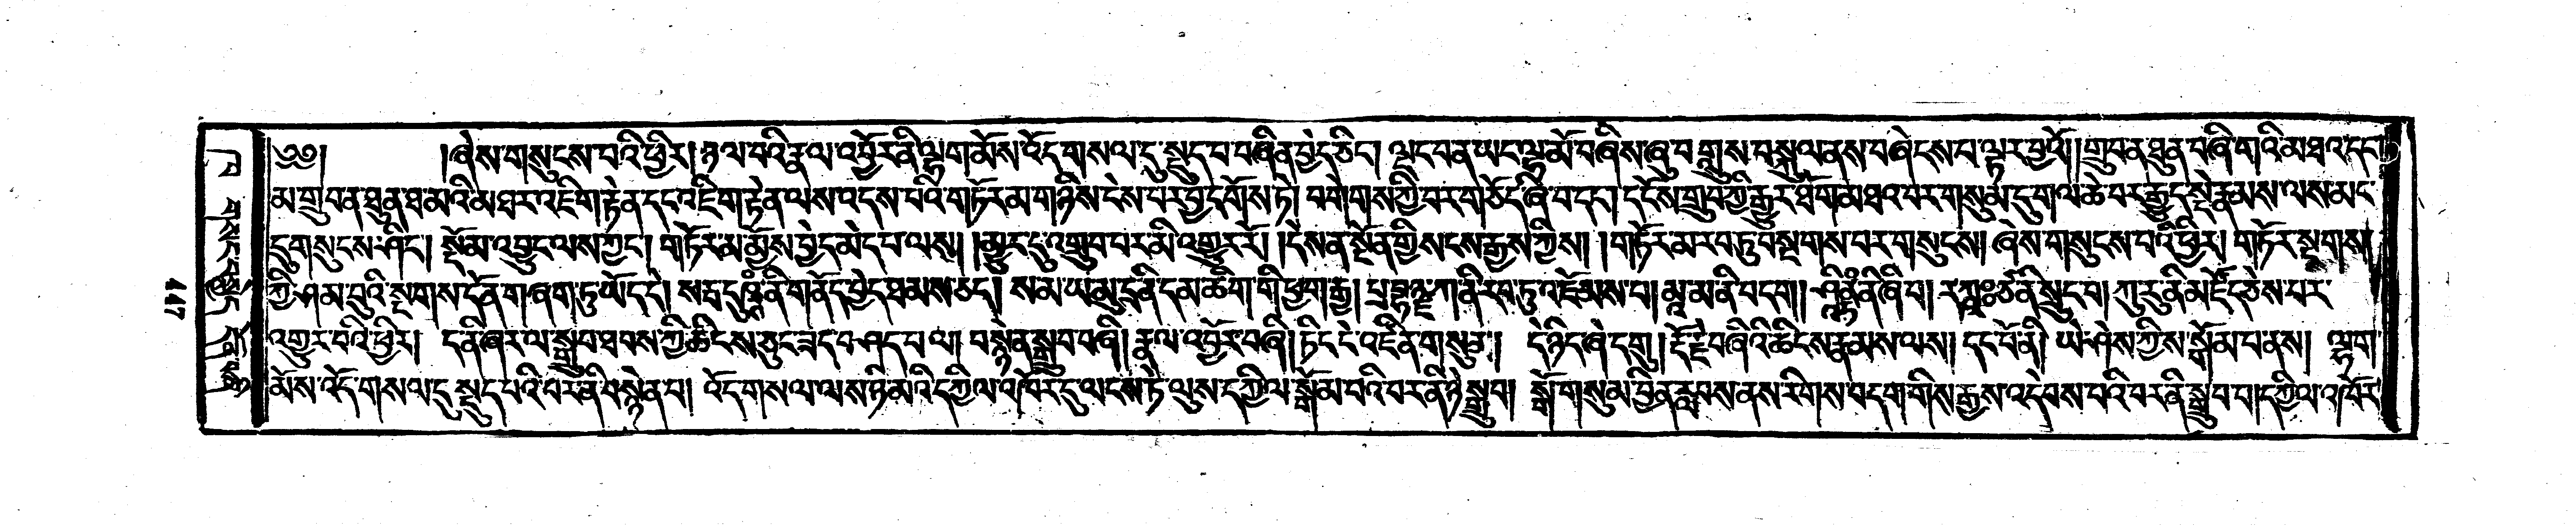༄༅། །ཞེས་གསུངས་པའི་ཕྱིར། ཉལ་བའི་རྣལ་འབྱོར་ནི་ལྷག་མོས་འོད་གསལ་དུ་སྡུད་པ་བཞིན་བྱེད་ཅིང་། ལྡང་བ་ན་ཡང་ལྷ་མོ་བཞིས་ཞུ་བ་གླུས་བསྐུལ་ནས་བཞེངས་པ་ལྟར་བྱའོ། །གྲུབ་མཐུན་བཞི་གའི་མཐའ་དང་
མ་གྲུབ་ན་ཐུན་ཐ་མའི་མཐར་འཇིག་རྟེན་དང་འཇིག་རྟེན་ལས་འདས་པའི་གཏོར་མ་གཉིས་ངེས་པར་བྱ་དགོས་ཏེ། བགེགས་ཀྱི་བར་གཅོད་ཞི་བ་དང་། དངོས་གྲུབ་ཀྱི་རྒྱུར་ཐོག་མཐའ་བར་གསུམ་དུ་གལ་ཆེ་བར་རྒྱུད་སྡེ་རྣམས་ལས་མང་
དུ་གསུངས་ཤིང་། སྡོམ་འབྱུང་ལས་ཀྱང་། གཏོར་མ་མྱོས་བྱེད་མེད་པ་ལས། །མྱུར་དུ་འགྲུབ་པར་མི་འགྱུར་རོ། །དེས་ན་སྔོན་གྱི་སངས་རྒྱས་ཀྱིས། །གཏོར་མ་རབ་ཏུ་བསྔགས་པར་གསུངས། ཞེས་གསུངས་པའི་ཕྱིར། གཏོར་སྔགས་
ཀྱི་ཤམ་བུའི་སྔགས་དོན་གཞག་ཏུ་ཡོད་དེ། སརྦ་དུཥྚཾ་ནི་གནོད་བྱེད་ཐམས་ཅད། ས་མ་ཡ་མུ་དྲ་ནི་དམ་ཚིག་གི་ཕྱག་རྒྱ། པྲབྷ་ཉྫ་ཀ་ནི་རབ་ཏུ་འཇོམས་པ། མཱ་མ་ནི་བདག །ཤཱིནྟཾ་ནི་ཞི་བ། རཀྵཱཿ ཙ་ནི་སྲུང་བ། ཀུ་རུ་ནི་མཛོད་ཅེས་པར་
འགྱུར་བའི་ཕྱིར། ད་ནི་ཞར་ལ་སྒྲུབ་ཐབས་ཀྱི་ཆིངས་ཅུང་ཟད་བཤད་པ་ལ། བསྙེན་སྒྲུབ་བཞི། རྣལ་འབྱོར་བཞི། ཏིང་ངེ་འཛིན་གསུམ། དེ་ཉིད་ཞེ་དགུ །རྡོ་རྗེ་བཞིའི་ཆིངས་རྣམས་ལས། དང་པོ་ནི། ཡེ་ཤེས་ཀྱིས་སྒོམ་པ་ནས། ལྷག་
མོས་འོད་གསལ་དུ་སྡུད་པའི་བར་ནི་བསྙེན་པ། འོད་གསལ་ལས་ཉི་མའི་དཀྱིལ་འཁོར་དུ་ལངས་ཏེ་ལུས་དཀྱིལ་སྒོམ་པའི་བར་ནི་ཉེ་སྒྲུབ། སྒོ་གསུམ་བྱིན་རླབས་ནས་རིགས་བདག་གིས་རྒྱས་འདེབས་པའི་བར་ནི་སྒྲུབ་པ། དཀྱིལ་འཁོར་